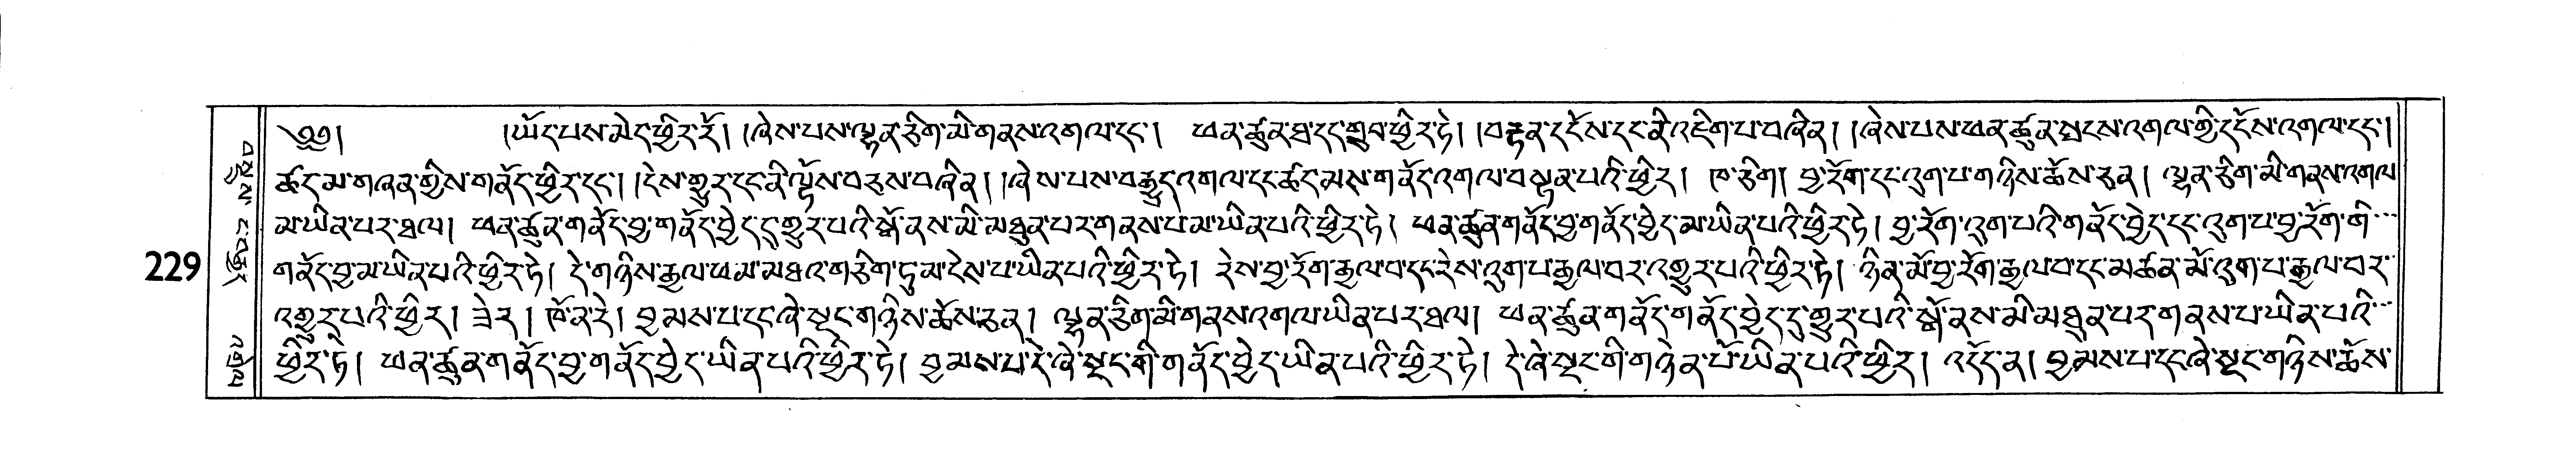༄༅། །ཡོད་པས་མེད་ཕྱིར་རོ། །ཞེས་པས་ལྷན་ཅིག་མི་གནས་འགལ་དང་། ཕན་ཚུན་ཐ་དད་གྲུབ་ཕྱིར་ཏེ། །བརྟན་དངོས་དང་ནི་འཇིག་པ་བཞིན། །ཞེས་པས་ཕན་ཚུན་སྤངས་འགལ་གྱི་དངོས་འགལ་དང་།
ཚད་མ་གཞན་གྱིས་གནོད་ཕྱིར་དང་། །ངེས་གྱུར་དང་ནི་ལྟོས་བཅས་བཞིན། །ཞེས་པས་བརྒྱུད་འགལ་དང་ཚད་མས་གནོད་འགལ་བསྟན་པའི་ཕྱིར། ཁ་ཅིག། བྱ་རོག་དང་འུག་པ་གཉིས་ཆོས་ཅན། ལྷན་ཅིག་མི་གནས་འགལ་
མ་ཡིན་པར་ཐལ། ཕན་ཚུན་གནོད་བྱ་གནོད་བྱེད་དུ་གྱུར་པའི་སྒོ་ནས་མི་མཐུན་པར་གནས་པ་མ་ཡིན་པའི་ཕྱིར་ཏེ། ཕན་ཚུན་གནོད་བྱ་གནོད་བྱེད་མ་ཡིན་པའི་ཕྱིར་ཏེ། བྱ་རོག་འུག་པའི་གནོད་བྱེད་དང་འུག་པ་བྱ་རོག་གི་
གནོད་བྱ་མ་ཡིན་པའི་ཕྱིར་ཏེ། དེ་གཉིས་རྒྱལ་ཕ་མ་མཐའ་གཅིག་ཏུ་མ་ངེས་པ་ཡིན་པའི་ཕྱིར་ཏེ། རེས་བྱ་རོག་རྒྱལ་བ་དང་རེས་འུག་པ་རྒྱལ་བར་འགྱུར་པའི་ཕྱིར་ཏེ། ཉིན་མོ་བྱ་རོག་རྒྱལ་བ་དང་མཚན་མོ་འུག་པ་རྒྱལ་བར་
འགྱུར་པའི་ཕྱིར། ཟེར། ཁོ་ན་རེ། བྱམས་པ་དང་ཞེ་སྡང་གཉིས་ཆོས་ཅན། ལྷན་ཅིག་མི་གནས་འགལ་ཡིན་པར་ཐལ། ཕན་ཚུན་གནོད་གནོད་བྱེད་དུ་གྱུར་པའི་སྒོ་ནས་མི་མཐུན་པར་གནས་པ་ཡིན་པའི་
ཕྱིར་ཏེ། ཕན་ཚུན་གནོད་བྱ་གནོད་བྱེད་ཡིན་པའི་ཕྱིར་ཏེ། བྱམས་པ་དེ་ཞེ་སྡང་གི་གནོད་བྱེད་ཡིན་པའི་ཕྱིར་ཏེ། དེ་ཞེ་སྡང་གི་གཉེན་པོ་ཡིན་པའི་ཕྱིར། འདོད་ན། བྱམས་པ་དང་ཞེ་སྡང་གཉིས་ཆོས་